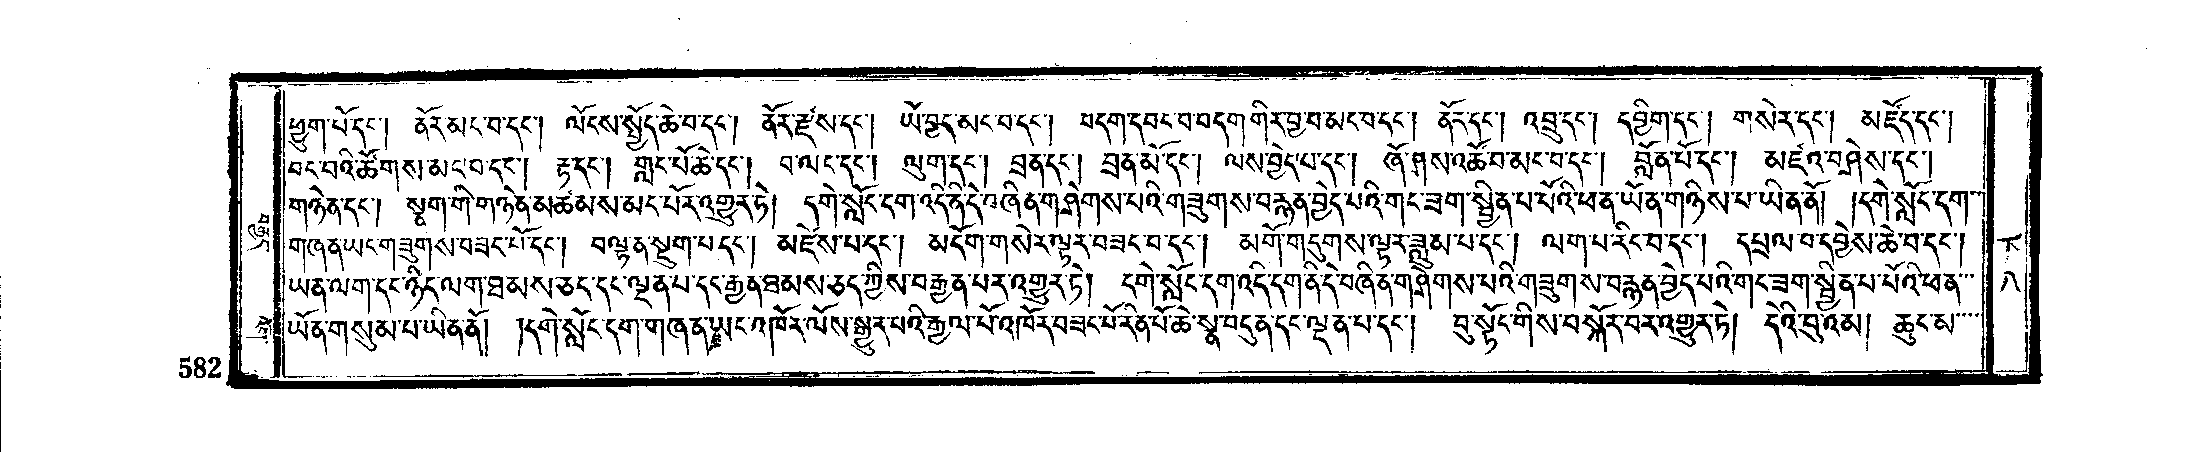ཕྱུག་པོ་དང་། ནོར་མང་བ་དང་། ལོངས་སྤྱོད་ཆེ་བ་དང་། ནོར་རྫས་དང་། ཡོ་བྱད་མང་བ་དང་། བདག་དབང་བ་བདག་གིར་བྱ་བ་མང་བ་དང་། ནོར་དང་། འབྲུ་དང་། དབྱིག་དང་། གསེར་དང་། མཛོད་དང་།
བང་བའི་ཚོགས་མང་བ་དང་། རྟ་དང་། གླང་པོ་ཆེ་དང་། བ་ལང་དང་། ལུག་དང་། བྲན་དང་། བྲན་མོ་དང་། ལས་བྱེད་པ་དང་། ཞོ་ཤས་འཚོ་བ་མང་བ་དང་། བློན་པོ་དང་། མཛའ་བཤེས་དང་།
གཉེན་དང་། སྣག་གི་གཉེན་མཚམས་མང་པོར་འགྱུར་ཏེ། དགེ་སློང་དག་འདི་ནི་དེ་བཞིན་གཤེགས་པའི་གཟུགས་བརྙན་བྱེད་པའི་གང་ཟག་སྦྱིན་པ་པོའི་ཕན་ཡོན་གཉིས་པ་ཡིན་ནོ། །དགེ་སློང་དག་
གཞན་ཡང་གཟུགས་བཟང་པོ་དང་། བལྟ་ན་སྡུག་པ་དང་། མཛེས་པ་དང་། མདོག་གསེར་ལྟར་བཟང་བ་དང་། མགོ་གདུགས་ལྟར་ཟླུམ་པ་དང་། ལག་པ་རིང་བ་དང་། དཔྲལ་བ་དབྱེས་ཆེ་བ་དང་།
ཡན་ལག་དང་ཉིད་ལག་ཐམས་ཅད་དང་ལྡན་པ་དང་རྒྱན་ཐམས་ཅད་ཀྱིས་བརྒྱན་པར་འགྱུར་ཏེ། དགེ་སློང་དག་འདི་དག་ནི་དེ་བཞིན་གཤེགས་པའི་གཟུགས་བརྙན་བྱེད་པའི་གང་ཟག་སྦྱིན་པ་པོའི་ཕན་
ཡོན་གསུམ་པ་ཡིན་ནོ། །དགེ་སློང་དག་གཞན་ཡང་འཁོར་ལོས་སྒྱུར་པའི་རྒྱལ་པོ་འཁོར་བཟང་པོ་རིན་པོ་ཆེ་སྣ་བདུན་དང་ལྡན་པ་དང་། བུ་སྟོང་གིས་བསྐོར་བར་འགྱུར་ཏེ། དེའི་བུ་འམ། ཆུང་མ་